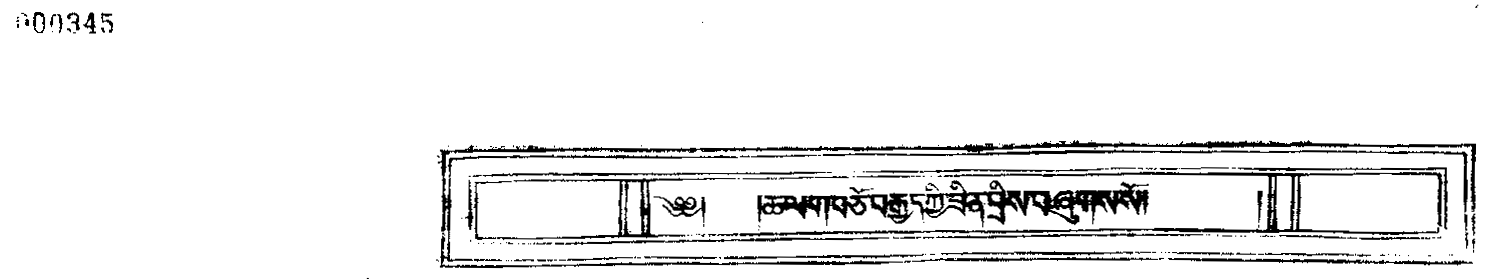༄༅། །ཆ་ལག་བཅོ་བརྒྱད་ཀྱི་ཟིན་བྲིས་བཞུགས་སོ། །